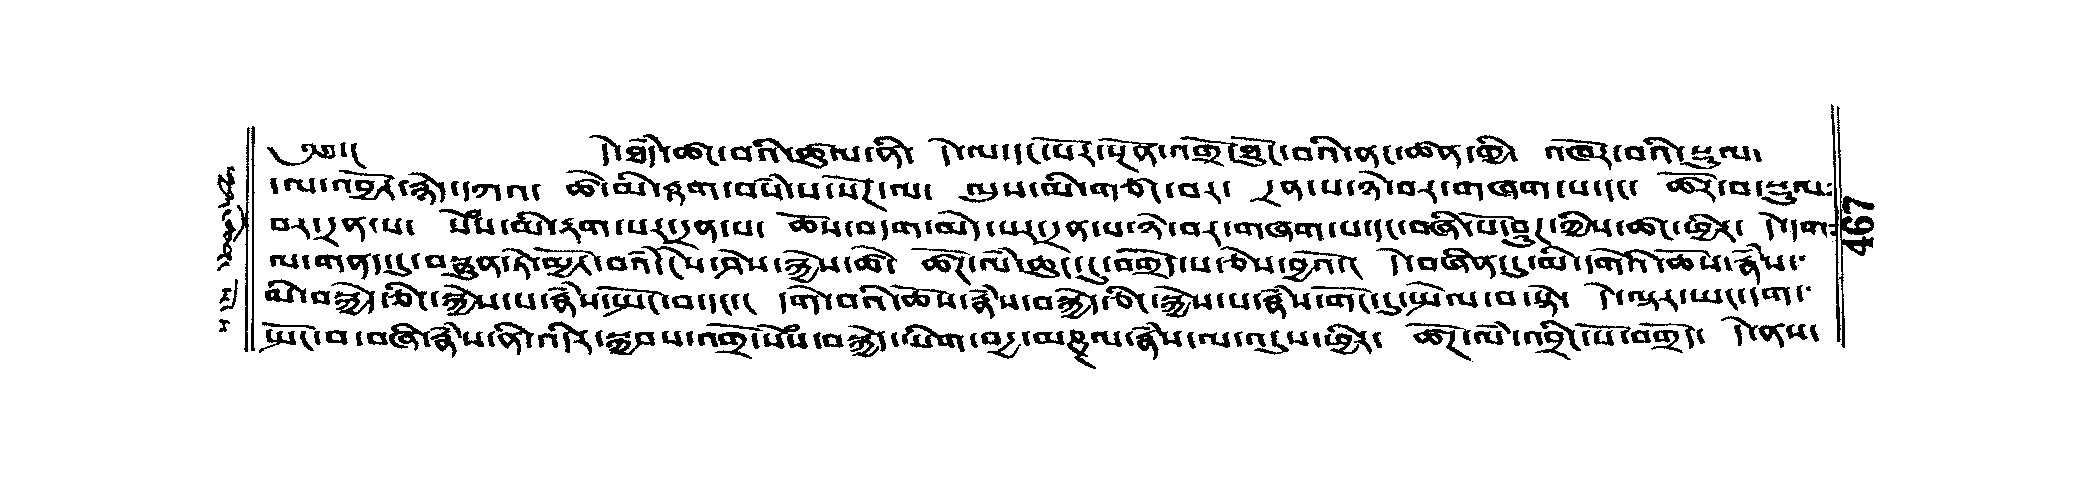དེ་ཐམས་ཅད་ཚང་བའི་ཚུལ་ནི། དེ་ལ་དང་པོར་སྔོན་འགྲོ་ཐུན་མོང་བའི་ནང་ཚན་གྱི། འཁོར་བའི་སྡུག་བསྔལ་
དལ་འབྱོར་རྙེད་དཀའ། ཚེ་མི་རྟག་བསམ་པ་སོགས་ལ། ལུས་མི་གཙང་བར་དྲན་པ་ཉེ་བར་བཞག་པ་དང་། ཚོར་བ་སྡུག་བསྔལ་
བར་དྲན་པ། སེམས་མི་རྟག་པར་དྲན་པ། ཆོས་བདག་མེད་པར་དྲན་པ་ཉེ་བར་གཞག་པ་དང་བཞི་པོ་ཤུགས་ཀྱིས་ཚང་ཕྱིར། དེ་དག་
ལ་གནད་དུ་བསྣུན་ཏེ་མྱོང་བའམ་ངེས་ཤེས་སྐྱེས་ཚེ། ཚོགས་ལམ་ཆུང་ངུ་བགྲོད་པ་ཞེས་བྱའོ། དེ་བཞིན་དུ་མི་དགེའི་ཆོས་རྣམས་
མི་བསྐྱེད་ཅིང་སྐྱེས་པ་རྣམས་སྤོང་བ་དང་། དགེ་བའི་ཆོས་རྣམས་བསྐྱེད་ཅིང་སྐྱེས་པ་རྣམས་གོང་དུ་སྤེལ་བ་སྟེ།དེ་ལྟར་ཡང་དག་
སྤོང་བ་བཞི་རྣམས་ནི་འདིར་སྐྱབས་འགྲོ་སེམས་བསྐྱེད་ཡིག་བརྒྱ་མཎྜལ་རྣམས་ལ་འདུས་ཕྱིར། ཚོགས་ལམ་འབྲིང་པོ་བགྲོད། དེ་ནས་